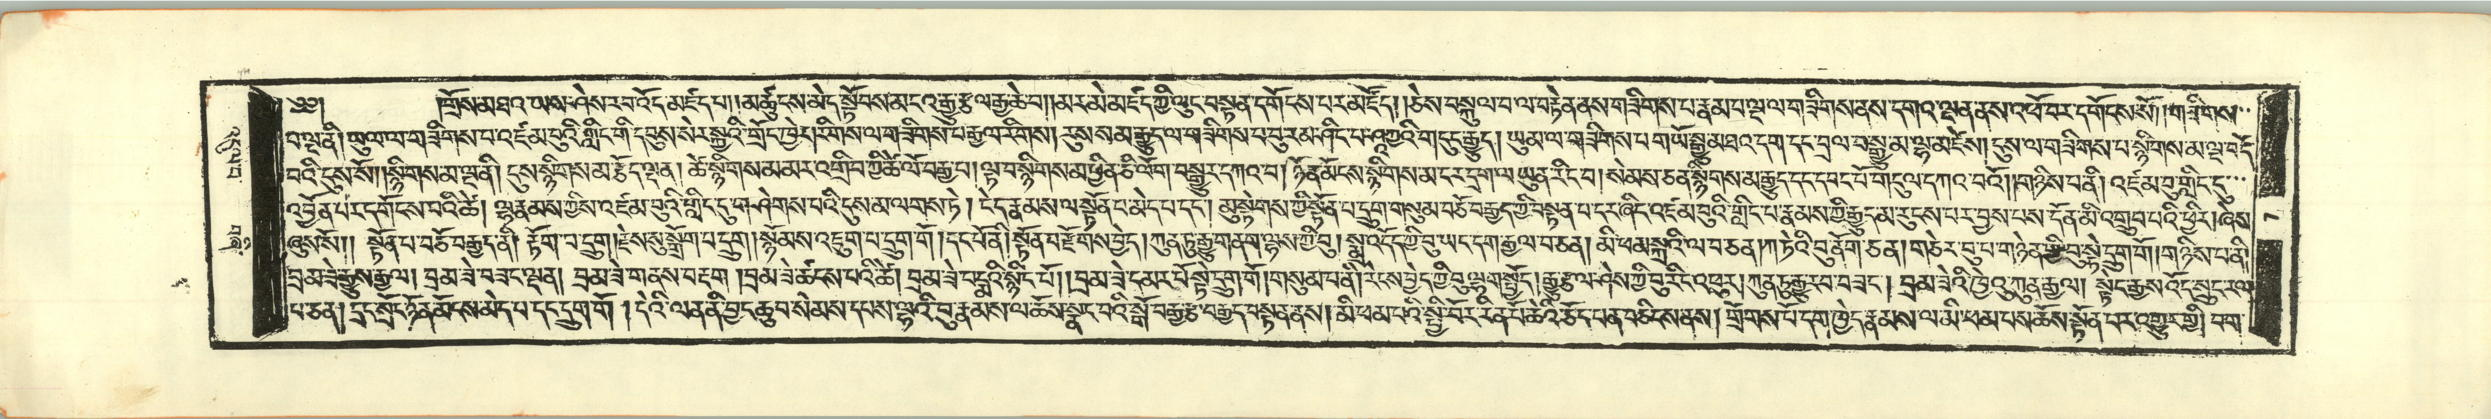༄༅། །གྲོས་མཐའ་ཡས་ཤེས་རབ་འོད་མཛད་པ། །མཚུངས་མེད་སྟོབས་མངའ་རྒྱུ་རྩལ་རྒྱ་ཆེ་བ། །མར་མེ་མཛད་ཀྱི་ལུང་བསྟན་དགོངས་པར་མཛོད། །ཅེས་བསྐུལ་བ་ལ་བརྟེན་ནས་གཟིགས་པ་རྣམ་པ་ལྔ་ལ་གཟིགས་ནས་དགའ་ལྡན་ནས་འཕོ་བར་དགོངས་སོ། །གཟིགས་
པ་ལྔ་ནི། ཡུལ་ལ་གཟིགས་པ་འཛམ་བུའི་གླིང་གི་དབུས་སེར་སྐྱའི་གྲོང་ཁྱེར། རིགས་ལ་གཟིགས་པ་རྒྱལ་རིགས། རུས་སམ་རྒྱུད་ལ་གཟིགས་པ་བུ་རམ་ཤིང་པ་ཤའྐྱའི་གདུང་རྒྱུད། ཡུམ་ལ་གཟིགས་པ་གཡོ་སྒྱུ་མཐའ་དག་དང་བྲལ་བ་སྒྱུ་མ་ལྷ་མཛེས། དུས་ལ་གཟིགས་པ་སྙིགས་མ་ལྔ་བདོ་
བའི་དུས་སོ། །སྙིགས་མ་ལྔ་ནི། དུས་སྙིགས་མ་རྩོད་ལྡན། ཚེ་སྙིགས་མ་མར་འགྲིབ་ཀྱི་ཚེ་ལོ་བརྒྱ་པ། ལྟ་བ་སྙིགས་མ་ཕྱིན་ཅི་ལོག་བསྒྱུར་དཀའ་བ། ཉོན་མོངས་སྙིགས་མ་ངར་དྲག་ལ་ཡུན་རིང་བ། སེམས་ཅན་སྙིགས་མ་རྒྱུད་དང་དབང་པོ་གདུལ་དཀའ་བའོ། །གཉིས་པ་ནི། འཛམ་བུ་གླིང་དུ་
འབྱོན་པར་དགོངས་པའི་ཚེ། ལྷ་རྣམས་ཀྱིས་འཛམ་བུའི་གླིང་དུ་གཤེགས་པའི་དུས་མ་ལགས་ཏེ། ངེད་རྣམས་ལ་སྟོན་པ་མེད་པ་དང་། མུ་སྟེགས་ཀྱི་སྟོན་པ་དྲུག་གསུམ་བཅོ་བརྒྱད་ཀྱི་བསྟན་པ་དར་ཞིང་འཛམ་བུའི་གླིང་པ་རྣམས་ཀྱི་རྒྱུད་མ་རུངས་པར་བྱས་པས་དོན་མི་འགྲུབ་པའི་ཕྱིར། ཞེས་
ཞུས་སོ། །སྟོན་པ་བཅོ་བརྒྱད་ནི། རྟོག་པ་དྲུག །རྗེས་སུ་སྒྲོག་པ་དྲུག །སྙོམས་འཇུག་པ་དྲུག་གོ །དང་པོ་ནི། སྟོན་པ་རྫོགས་བྱེད། ཀུན་ཏུ་རྒྱུ་གནག་ལྷས་ཀྱི་བུ། སྨྲ་འདོད་ཀྱི་བུ་ཡང་དག་རྒྱལ་བ་ཅན། མི་ཕམ་སྐྲའི་ལ་བ་ཅན། ཀ་ཏེའི་བུ་ནོག་ཅན། གཅེར་བུ་པ་གཉེན་གྱི་བུ་སྟེ་དྲུག་གོ། །གཉིས་པ་ནི།
བྲམ་ཟེ་རྒྱུས་རྒྱལ། བྲམ་ཟེ་བཟང་ལྡན། བྲམ་ཟེ་གནས་བརྡག །བྲམ་ཟེ་ཚངས་པའི་ཚེ། བྲམ་ཟེ་པདམའི་སྙིང་པོ། །བྲམ་ཟེ་དམར་པོ་སྟེ་དྲུག་གོ། །གསུམ་པ་ནི། རེངས་བྱེད་ཀྱི་བུ་ལྷག་སྤྱོད། རྒྱུ་རྩལ་ཤེས་ཀྱི་བུ་རིང་འཕུར། ཀུན་ཏུ་རྒྱུ་རབ་བཟང་། བྲམ་ཟེའི་ཁྱེའུ་ཀུན་རྒྱལ། སྟེང་རྒྱས་འོད་སྲུང་རལ་
པ་ཅན། དྲང་སྲོང་ཉོན་མོངས་མེད་པ་དང་དྲུག་གོ །དེའི་ལན་ནི་བྱང་ཆུབ་སེམས་དཔས་ལྷའི་བུ་རྣམས་ལ་ཆོས་སྣང་བའི་སྒོ་བརྒྱ་རྩ་བརྒྱད་བསྟན་ནས། མི་ཕམ་པའི་སྤྱི་བོར་རིན་པོ་ཆེའི་ཅོད་པན་བཅིངས་ནས། གྲོགས་པོ་དག་ཁྱེད་རྣམས་ལ་མི་ཕམ་པས་ཆོས་སྟོན་པར་འགྱུར་གྱི། བག་